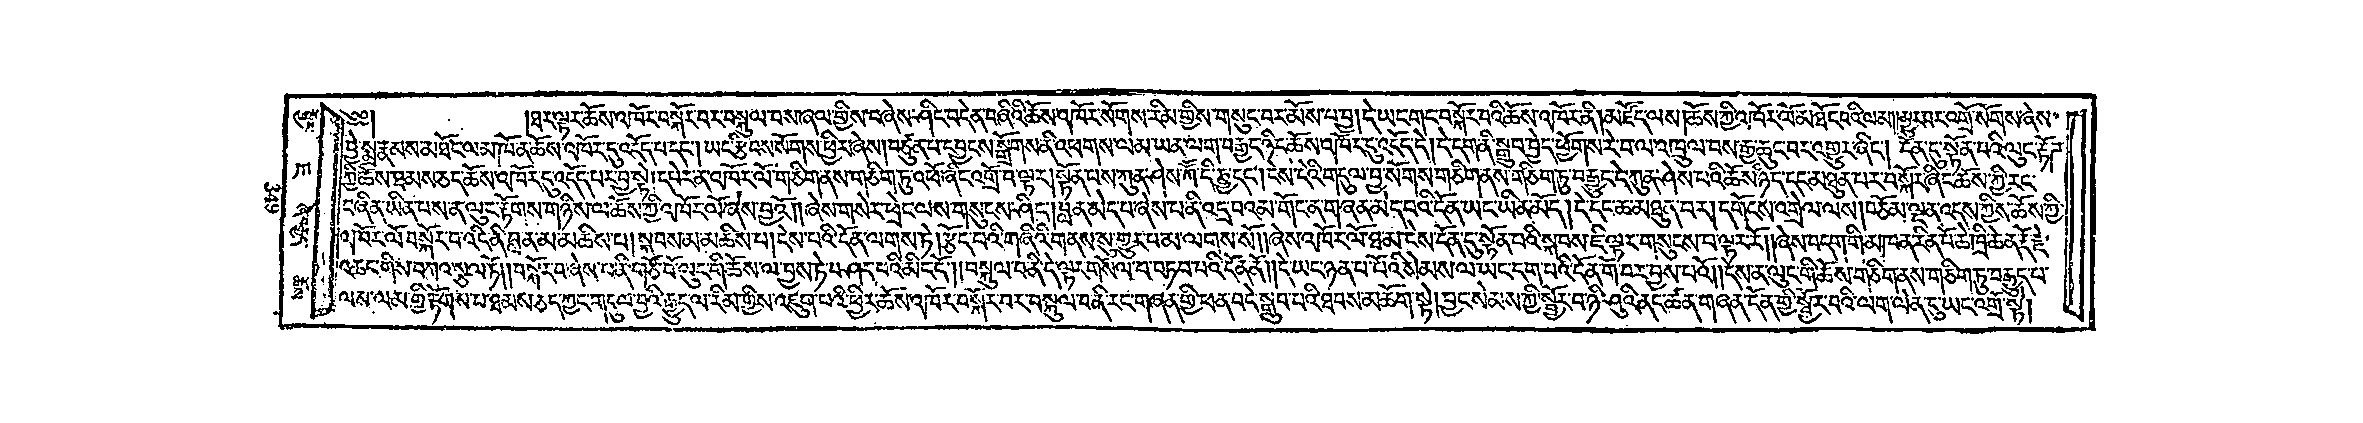༄༅། །ཐར་ལྟར་ཆོས་འཁོར་བསྐོར་བར་བསྐུལ་བས་ཞལ་གྱིས་བཞེས་ཤིང་བདེན་བཞིའི་ཆོས་འཁོར་སོགས་རིམ་གྱིས་གསུང་བར་མོས་པ་བྱ། དེ་ཡང་གང་བསྐོར་བའི་ཆོས་འཁོར་ནི། མཛོད་ལས། ཆོས་ཀྱི་འཁོར་ལོ་མཐོང་བའི་ལམ། །མྱུར་བར་འགྲོ་སོགས་ཞེས་
བྱེ་སྨྲ་རྣམས་མཐོང་ལམ་ཁོ་ན་ཆོས་འཁོར་དུ་འདོད་པ་དང་། ཡང་རྩིབས་སོགས་ཕྱིར་ཞེས། བཙུན་པ་དབྱངས་སྒྲོགས་ནི་འཕགས་ལམ་ཡན་ལག་བརྒྱད་ཉིད་ཆོས་འཁོར་དུ་འདོད་དེ། དེ་དག་ནི་སྒྲུབ་བྱེད་ཕྱོགས་རེ་བ་ལ་འཁྲུལ་བས་རྒྱ་ཆུང་བར་འགྱུར་ཞིང་། དོན་དུ་སྟོན་པའི་ལུང་རྟོགས་
ཀྱི་ཆོས་ཐམས་ཅད་ཆོས་འཁོར་དུ་འདོད་པར་བྱ་སྟེ། དཔེར་ན་འཁོར་ལོ་གཅིག་ནས་གཅིག་ཏུ་འཕོ་ཞིང་འགྲོ་བ་ལྟར། སྟོན་པས་ཀུན་ཤེས་ཀཽ་དི་ཎྱ་དང་། ངེས་དེའི་གདུལ་བྱ་སོགས་གཅིག་ནས་གཅིག་ཏུ་བརྒྱུད་དེ་ཀུན་ཤེས་པའི་ཆོས་ཉིད་དང་མཐུན་པར་བསྐོར་ཞིང་ཆོས་ཀྱི་རང་
བཞིན་ཡིན་པས་ན་ལུང་རྟོགས་གཉིས་ལ་ཆོས་ཀྱི་འཁོར་ལོ་ཞེས་བྱའོ། །ཞེས་གསེར་ཕྲེང་ལས་གསུངས་ཤིང་། བླ་ན་མེད་པ་ཞེས་པ་ནི་འདྲ་བའམ་གོང་ན་གཞན་མེད་པའི་དོན་ཡང་ཡིན་མོད། དེ་དང་ཆ་མཐུན་བར། དགོངས་འགྲེལ་ལས། བཅོམ་ལྡན་འདས་ཀྱིས་ཆོས་ཀྱི་
འཁོར་ལོ་བསྐོར་བ་འདི་ནི་བླ་ན་མ་མཆིས་པ། སྐབས་མ་མཆིས་པ། ངེས་པའི་དོན་ལགས་ཏེ། རྩོད་པའི་གཞིའི་གནས་སུ་གྱུར་པ་མ་ལགས་སོ། །ཞེས་འཁོར་ལོ་ཐ་མ་ངེས་དོན་དུ་སྟོན་པའི་སྐབས་ཇི་ལྟར་གསུངས་པ་ལྟར་རོ། །ཞེས་བདག་གི་མཁན་རིན་པོ་ཆེ་ཁྲི་ཆེན་རྡོ་རྗེ་
འཆང་གིས་བཀའ་སྩལ་ཏོ། །བསྐོར་བ་ཞེས་པ་ནི་གཙོ་བོ་ལུང་གི་ཆོས་ལ་བྱས་ཏེ་བཤད་པའི་མིང་དོ། །བསྐུལ་བ་ནི་དེ་ལྟར་གསོལ་བ་བཏབ་པའི་དོན་ནོ། །དེ་ཡང་ཉན་པ་པོའི་སེམས་ལ་ཡང་དག་པའི་དོན་གོ་བར་བྱས་པའོ། །དེས་ན་ལུང་གི་ཆོས་གཅིག་ནས་གཅིག་ཏུ་བརྒྱུད་པ་
ལས་ལམ་གྱི་རྟོགས་པ་ཐམས་ཅད་ཀྱང་གདུལ་བྱའི་རྒྱུད་ལ་རིམ་གྱིས་འཇུག་པའི་ཕྱིར་ཆོས་འཁོར་བསྐོར་བར་བསྐུལ་བ་ནི་རང་གཞན་གྱི་ཕན་བདེ་སྒྲུབ་པའི་ཐབས་མཆོག་སྟེ། བྱང་སེམས་ཀྱི་སྦྱོར་བ་ཉི་ཤུའི་ནང་ཚན་གཞན་དོན་གྱི་སྦྱོར་བའི་ལག་ལེན་དུ་ཡང་འགྲོ་སྟེ།